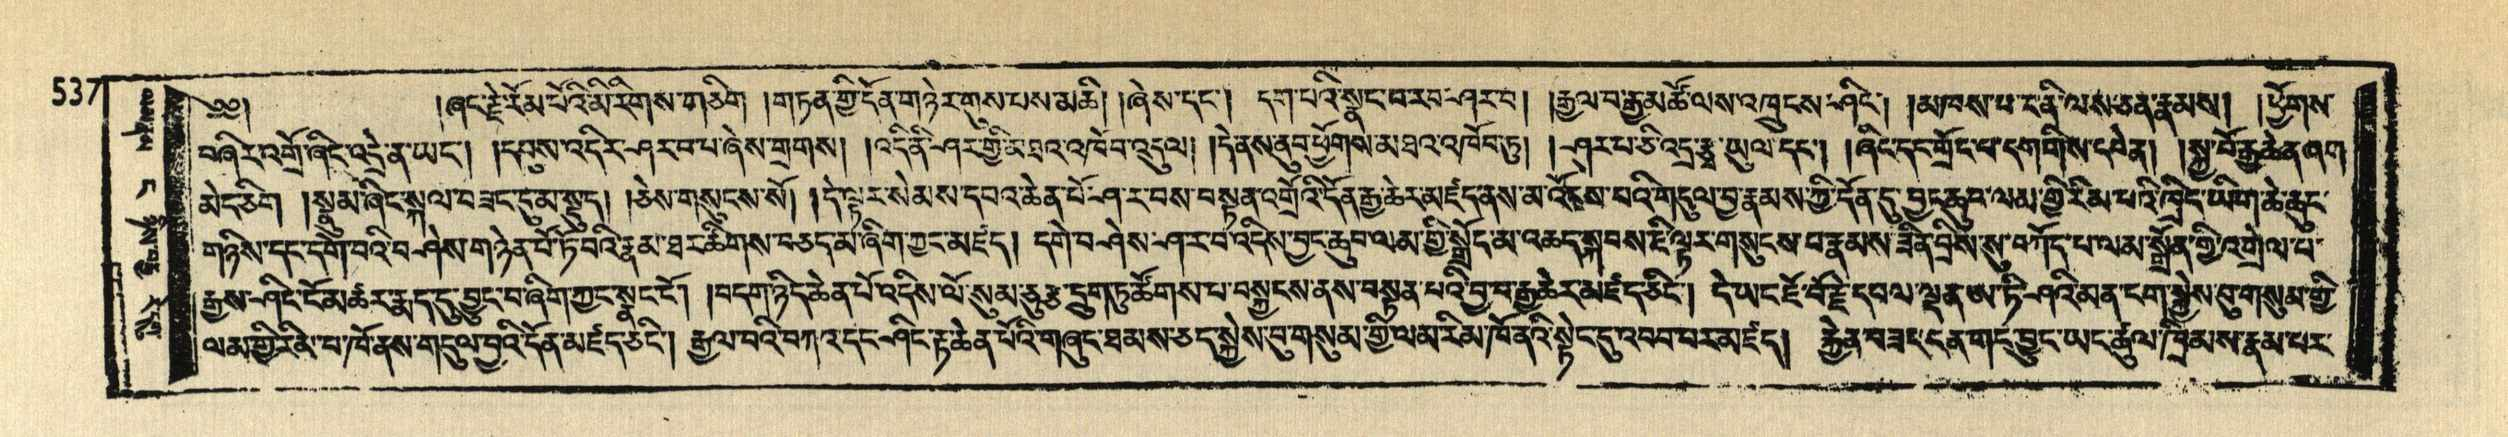༄༅། །ཞང་རྗེ་རོམ་པོའི་མི་རིགས་གཅིག །གཏན་གྱི་དོན་གཉེར་གུས་པས་མཆི། །ཞེས་དང་། དག་པའི་སྣང་བ་རབ་ཤར་བ། །རྒྱལ་བ་རྒྱ་མཚོ་ལས་འཁྲུངས་ཤིང་། །མཁས་པ་ང་ནི་ལས་ཅན་རྣམས། །ཕྱོགས་
བཞིར་འགྲོ་ཞིང་འདྲེན་ན་ཡང་། །དབུས་འདིར་ཤར་བ་པ་ཞེས་གྲགས། །འདི་ནི་ཤར་གྱི་མཐའ་འཁོབ་འདུལ། །དེ་ནས་ནུབ་ཕྱོགས་མཐའ་འཁོབ་ཏུ། །ཤར་པ་ཅི་འདྲ་རྩྭ་ཡུལ་དང་། །ཞིང་དང་གྲོང་པ་དག་གིས་དབེན། །སྐྱ་བོ་རྒྱ་ཆེན་ཞག་
མེད་ཅིག །སྣུམ་ཞིང་སྐལ་བཟང་དུ་མ་སྡུད། །ཅེས་གསུངས་སོ། །དེ་ལྟར་སེམས་དཔའ་ཆེན་པོ་ཤ་ར་བས་བསྟན་འགྲོའི་དོན་རྒྱ་ཆེར་མཛད་ནས་མ་འོངས་པའི་གདུལ་བྱ་རྣམས་ཀྱི་དོན་དུ་བྱང་ཆུབ་ལམ་གྱི་རིམ་པའི་ཁྲིད་ཡིག་ཆེ་ཆུང་
གཉིས་དང་དགེ་བའི་བཤེས་གཉེན་པོ་ཏོ་བའི་རྣམ་ཐར་ཚིགས་བཅད་མ་ཞིག་ཀྱང་མཛད། དགེ་བཤེས་ཤ་ར་བ་འདིས་བྱང་ཆུབ་ལམ་གྱི་སྒྲོང་མ་འཆད་སྐབས་ཇི་ལྟར་གསུངས་པ་རྣམས་ཟིན་བྲིས་སུ་བཀོད་པ་ལམ་སྒྲོན་གྱི་འགྲེལ་པ་
རྒྱས་ཤིང་ངོ་མཚར་རྨད་དུ་བྱུང་བ་ཞིག་ཀྱང་སྣང་ངོ། །བདག་ཉིད་ཆེན་པོ་འདིས་ལོ་སུམ་ཅུ་རྩ་དྲུག་ཏུ་ཚོགས་པ་བསྐྱངས་ནས་བསྟན་པའི་བྱ་བ་རྒྱ་ཆེར་མཛད་ཅིང་། དེ་ཡང་ཇོ་བོ་རྗེ་དཔལ་ལྡན་ཨ་ཏི་ཤའི་མན་ངག་སྐྱེས་བུ་གསུམ་གྱི་
ལམ་གྱི་རིམ་པ་ཁོ་ནས་གདུལ་བྱའི་དོན་མཛད་ཅིང་། རྒྱལ་བའི་བཀའ་དང་ཤིང་རྟ་ཆེན་པོའི་གཞུང་ཐམས་ཅད་སྐྱེས་བུ་གསུམ་གྱི་ལམ་རིམ་ཁོ་ནའི་སྟེང་དུ་འབབ་པར་མཛད། རྐྱེན་བཟང་ངན་གང་བྱུང་ཡང་ཚུལ་ཁྲིམས་རྣམ་པར་